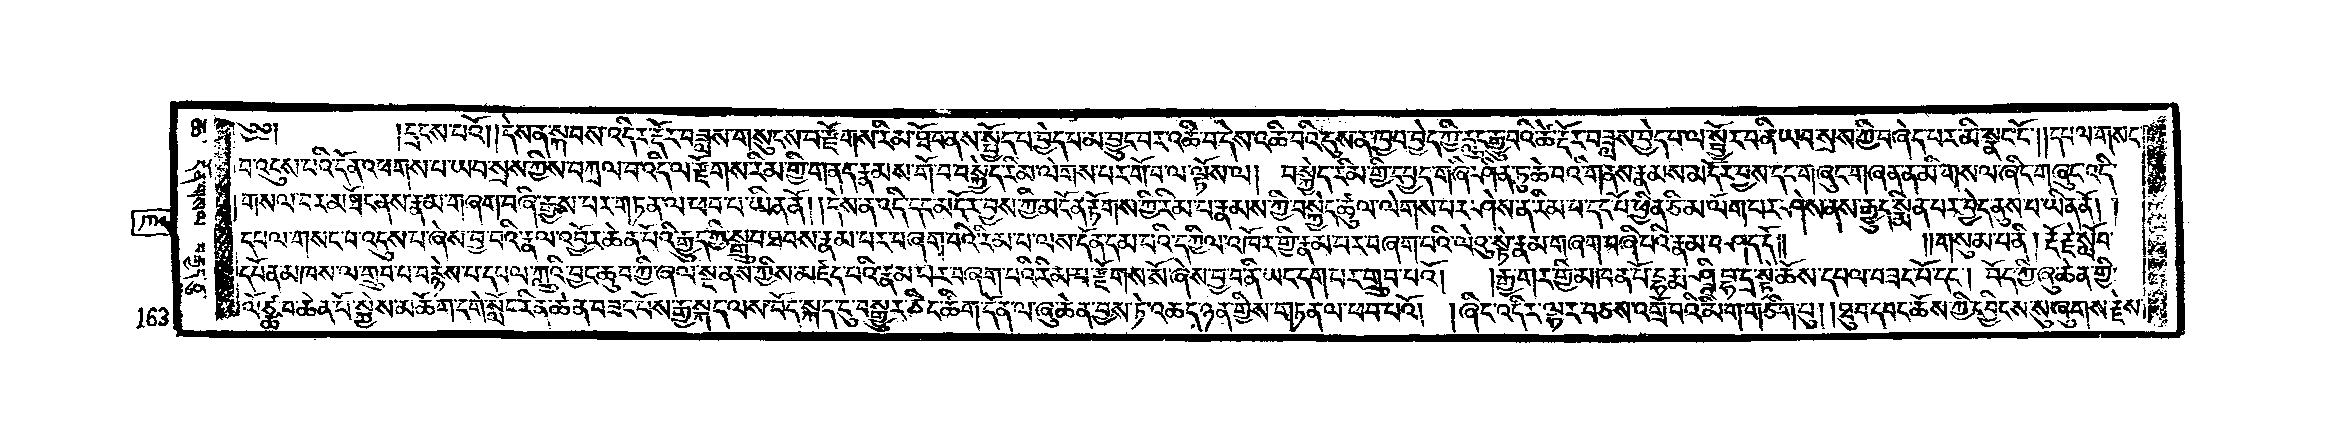༄༅། །དྲངས་པའོ། །དེས་ན་སྐབས་འདིར་རྡོར་བཟླས་གསུངས་པ་རྫོགས་རིམ་ཐོབ་ནས་སྤྱོད་པ་བྱེད་པ་མ་བྱུང་བར་འཆི་བ་དེས་འཆི་བའི་དུས་ན་ཁྱབ་བྱེད་ཀྱི་རླུང་རྒྱུ་བའི་ཚེ་རྡོར་བཟླས་བྱེད་པ་ལ་སྦྱོར་བ་ནི་ཡབ་སྲས་ཀྱི་བཞེད་པར་མི་སྣང་ངོ། །དཔལ་གསང་
བ་འདུས་པའི་དོན་འཕགས་པ་ཡབ་སྲས་ཀྱིས་བཀྲལ་བ་འདི་ལ་རྫོགས་རིམ་གྱི་གནད་རྣམས་གོ་བ་བསྐྱེད་རིམ་ལེགས་པར་གོ་བ་ལ་ལྟོས་ལ། བསྐྱེད་རིམ་གྱི་དཔྱད་གཞི་ཤིན་ཏུ་ཆེ་བའི་གནས་རྣམས་མདོར་བྱས་དང་གཞུང་གཞན་ན་མི་གསལ་ཞིང་གཞུང་འདི་
གསལ་བར་མཐོང་ནས་རྣམ་གཞག་བཞི་རྒྱས་པར་གཏན་ལ་ཕབ་པ་ཡིན་ནོ། །དེས་ན་འདི་དང་མདོར་བྱས་ཀྱི་མངོན་རྟོགས་ཀྱི་རིམ་པ་རྣམས་ཀྱི་བསྐྱེད་ཚུལ་ལེགས་པར་ཤེས་ན་རིམ་པ་དང་པོ་ཕྱིན་ཅི་མ་ལོག་པར་ཤེས་ནས་རྒྱུད་སྨིན་པར་བྱེད་ནུས་པ་ཡིན་ནོ། །
དཔལ་གསང་བ་འདུས་པ་ཞེས་བྱ་བའི་རྣལ་འབྱོར་ཆེན་པོའི་རྒྱུད་ཀྱི་སྒྲུབ་ཐབས་རྣམ་པར་བཞག་པའི་རིམ་པ་ལས་དོན་དམ་པའི་དཀྱིལ་འཁོར་གྱི་རྣམ་པར་བཞག་པའི་ལེའུ་སྟེ་རྣམ་གཞག་བཞིའི་རྣམ་བཤད་དོ།། གསུམ་པ་ནི། རྡོ་རྗེ་སློབ་
དཔོན་མཁས་ལ་གྲུབ་པ་བརྙེས་པ་དཔལ་ཀླུའི་བྱང་ཆུབ་ཀྱི་ཞལ་སྔ་ནས་ཀྱིས་མཛད་པའི་རྣམ་པར་བཞག་པའི་རིམ་པ་རྫོགས་སོ་ཞེས་བྱ་བ་ནི་ཡང་དག་པར་གྲུབ་པའོ། །རྒྱ་གར་གྱི་མཁན་པོ་དྷ་རྨ་དྲ་སྟེ་ཆོས་དཔལ་བཟང་པོ་དང་། བོད་ཀྱི་ཞུ་ཆེན་གྱི་
ལོ་ཙྪ་བ་ཆེན་པོ་སྐྱེས་མཆོག་དགེ་སློང་རིན་ཆེན་བཟང་པོས་རྒྱ་སྐད་ལས་བོད་སྐད་དུ་བསྒྱུར་ཅིང་ཚིག་དོན་ལ་ཞུ་ཆེན་བྱས་ཏེ་འཆད་ཉན་གྱིས་གཏན་ལ་ཕབ་པའོ། །ཞིང་འདིར་ལྷར་བཅས་འགྲོ་བའི་མིག་གཅིག་པུ། །ཐུབ་དབང་ཆོས་ཀྱི་དབྱིངས་སུ་ཞུགས་རྗེས་